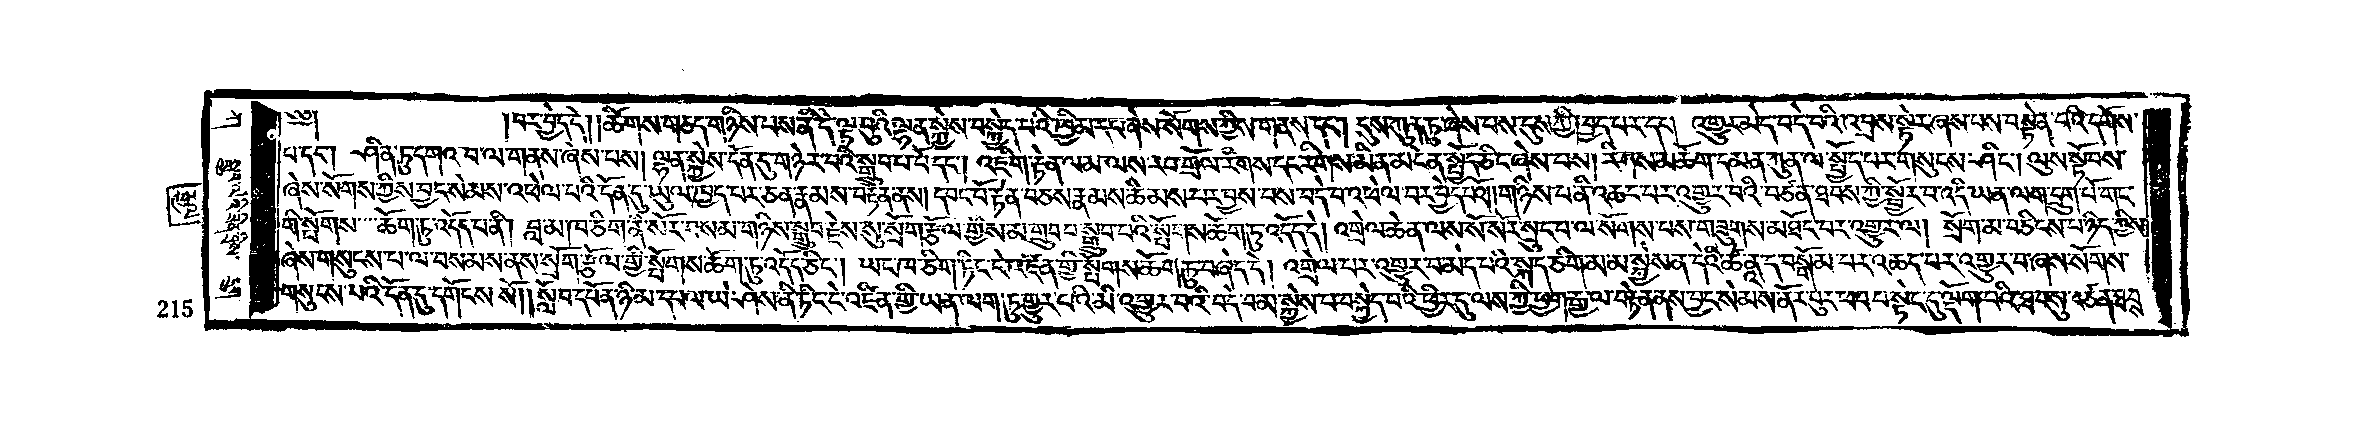༄༅། །བར་བྱེད་དེ། །ཚིགས་གཅད་གཉིས་པས་ནི་དེ་ལྟ་བུའི་ལྷན་སྐྱེས་བསྐྱེད་པའི་ཁྱིམ་རང་ཞེས་སོགས་ཀྱིས་གནས་དང་། དུས་ཀུན་ཏུ་ཞེས་པས་དུས་ཀྱི་ཁྱད་པར་དང་། འགྱུར་མེད་བདེ་བའི་འབྲས་སྟེར་ཞེས་པས་བསྟེན་པའི་དགོས་
པ་དང་། ཤིན་ཏུ་དགའ་བ་ལ་གནས་ཞེས་པས། ལྷན་སྐྱེས་དོན་དུ་གཉེར་བའི་སྒྲུབ་པ་པོ་དང་། འཇིག་རྟེན་ལམ་ལས་རབ་གྲོལ་རིགས་དང་རིགས་མིན་མངོན་སྤྱོད་ཅིང་ཞེས་པས། རིགས་མཆོག་དམན་ཀུན་ལ་སྤྱོད་པར་གསུངས་ཤིང་། ལུས་སྟོབས་
ཞེས་སོགས་ཀྱིས་བྱང་སེམས་འཕེལ་བའི་དོན་དུ་ཡུལ་ཁྱད་པར་ཅན་རྣམས་བརྟེན་ནས། དབང་པོ་རྟེན་བཅས་རྣམས་ཆིམས་པར་བྱས་པས་བདེ་བ་འཕེལ་བར་བྱེད་པའོ། །གཉིས་པ་ནི་འཆང་བར་འགྱུར་བའི་བཙན་ཐབས་ཀྱི་སྦྱོར་བ་འདི་ཡན་ལག་དྲུག་པོ་གང་
གི་སྤོགས་ཆོག་ཏུ་འདོད་པ་ནི། བླ་མ་ཁ་ཅིག་ནི་སོར་བསམ་གཉིས་སྒྲུབ་རྗེས་སུ་སྲོག་རྩོལ་གྱིས་མ་གྲུབ་པ་སྒྲུབ་པའི་སྤོགས་ཆོག་ཏུ་འདོད་དེ། འགྲེལ་ཆེན་ལས་སོ་སོར་སྲུང་བ་ལ་སོགས་པས་གཟུགས་མཐོང་བར་འགྱུར་ལ། སྲོག་མ་བཅིངས་པ་ཉིད་ཀྱིས་
ཞེས་གསུངས་པ་ལ་བསམས་ནས་སྲོག་རྩོལ་གྱི་སྤོགས་ཆོག་ཏུ་འདོད་ཅིང་། ཡང་ཁ་ཅིག་ཏིང་ངེ་འཛིན་གྱི་སྤོགས་ཆོག་ཏུ་བཞེད་དེ། འགྲེལ་པར་འགྱུར་བ་མེད་པའི་སྐད་ཅིག་མ་མ་སྐྱེས་ན་དེའི་ཚེ་ནཱ་ད་བསྒོམ་པར་འཆད་པར་འགྱུར་བ་ཞེས་སོགས་
གསུངས་པའི་དོན་དུ་དགོངས་སོ། །སློབ་དཔོན་ཉི་མ་དཔལ་ཡེ་ཤེས་ནི་ཏིང་ངེ་འཛིན་གྱི་ཡན་ལག་ཏུ་གྱུར་པའི་མི་འགྱུར་བའི་བདེ་བ་མ་སྐྱེས་པ་བསྐྱེད་པའི་ཕྱིར་དུ་ལས་ཀྱི་ཕྱག་རྒྱ་ལ་བརྟེན་ནས་བྱང་སེམས་ནོར་བུར་ཕག་པ་སྟེང་དུ་ལྡོག་པའི་ཐབས་སུ་བཙན་ཐབས་